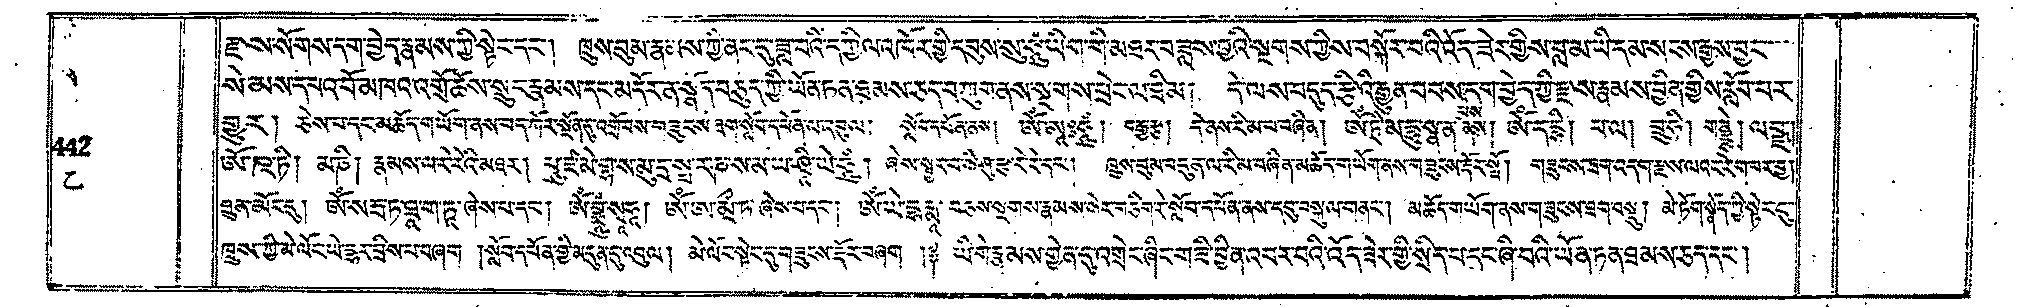རྫས་སོགས་དག་བྱེད་རྣམས་ཀྱི་སྟེང་དང་། ཁྲུས་བུམ་རྣམས་ཀྱི་ནང་དུ་ཟླ་བའི་དཀྱིལ་འཁོར་གྱི་དབུས་སུ་ཧཱུཾ་ཡིག་གི་མཐར་བཟླས་བྱའི་སྔགས་ཀྱིས་བསྐོར་བའི་འོད་ཟེར་གྱིས་བླ་མ་ཡི་དམ་སངས་རྒྱས་བྱང་
སེམས་དཔའ་བོ་མཁའ་འགྲོ་ཆོས་སྲུང་རྣམས་དང་མདོར་ན་སྣོད་བཅུད་ཀྱི་ཡོན་ཏན་ཐམས་ཅད་བཀུག་ནས་སྔགས་ཕྲེང་ལ་ཐིམ། དེ་ལས་བདུད་རྩིའི་རྒྱུན་བབས་པས་དག་བྱེད་ཀྱི་རྫས་རྣམས་བྱིན་གྱིས་རློབ་པར་
གྱུར། ཅེས་པ་དང་མཆོད་གཡོག་ནས་པད་ཀོར་སྔོན་དུ་འགྲོ་བས་གཟུངས་ཐག་སློབ་དཔོན་ལ་འབུལ། སློབ་དཔོན་ནས།  ཨོཾ་ཨའཿ ཧཱུཾ་བརྒྱ་རྩ། དེ་ནས་རིམ་པ་བཞིན།  ཨོཾ་ཏྲི་མ་དྷུ་སྣ་ན་ནས།  ཨོཾ་ད་དྷི། ཕ་ལ་བྲུ་ཧི། གནྡྷེ། ལབྫ།
ཨོ་ཥ་ཏི། མ་ཎི། རྣམས་ལ་རེ་རེའི་མཐར།  པཱུ་ཛ་མེ་གྷ་ས་མུ་དྲ་སྤ་ར་ཎ་ས་མ་ཡ་ཤྲཱི་ཡེ་ཧཱུཾ། ཞེས་སྦྱར་བ་ཉི་ཤུ་རྩ་རེ་རེ་དང་། ཁྲུས་བུམ་བདུན་ལ་རིམ་བཞིན་མཆོད་གཡོག་ནས་གཟུངས་རྡོར་སྤོ། གཟུངས་ཐག་འདག་རྫས་ལའང་རེག་པར་བྱ།
ཐུན་མོང་དུ། ཨོཾ་སརྦ་ཏ་ཐཱ་ག་ཏཱ་ཞེས་པ་དང་།  ཨོཾ་བྷྲཱུཾ་སྭཱཧཱ། ཨོཾ་ཨ་མྲྀ་ཏ་ཞེས་པ་དང་།  ཨོཾ་ཡེ་དྷརྨཱ་བཅས་སྔགས་རྣམས་ཉེར་གཅིག་རེ་སློབ་དཔོན་ནས་དབུ་བསྐུལ་གནང་། མཆོད་གཡོག་ནས་གཟུངས་ཐག་བསྡུ། མེ་ཏོག་སྣོད་ཀྱི་སྟེང་དུ་
ཁྲུས་ཀྱི་མེ་ལོང་ཡེ་དྷར་བྲིས་པ་བཞག །སློབ་དཔོན་གྱི་མདུན་དུ་འབུལ། མེ་ལོང་སྟེང་དུ་གཟུངས་རྡོར་བཞག །འ་ཡི་གེ་རྣམས་གྱེན་དུ་འགྲེང་ཞིང་གཟི་བྱིན་འབར་བའི་འོད་ཟེར་གྱི་སྲིད་པ་དང་ཞི་བའི་ཡོན་ཏན་ཐམས་ཅད་དང་།